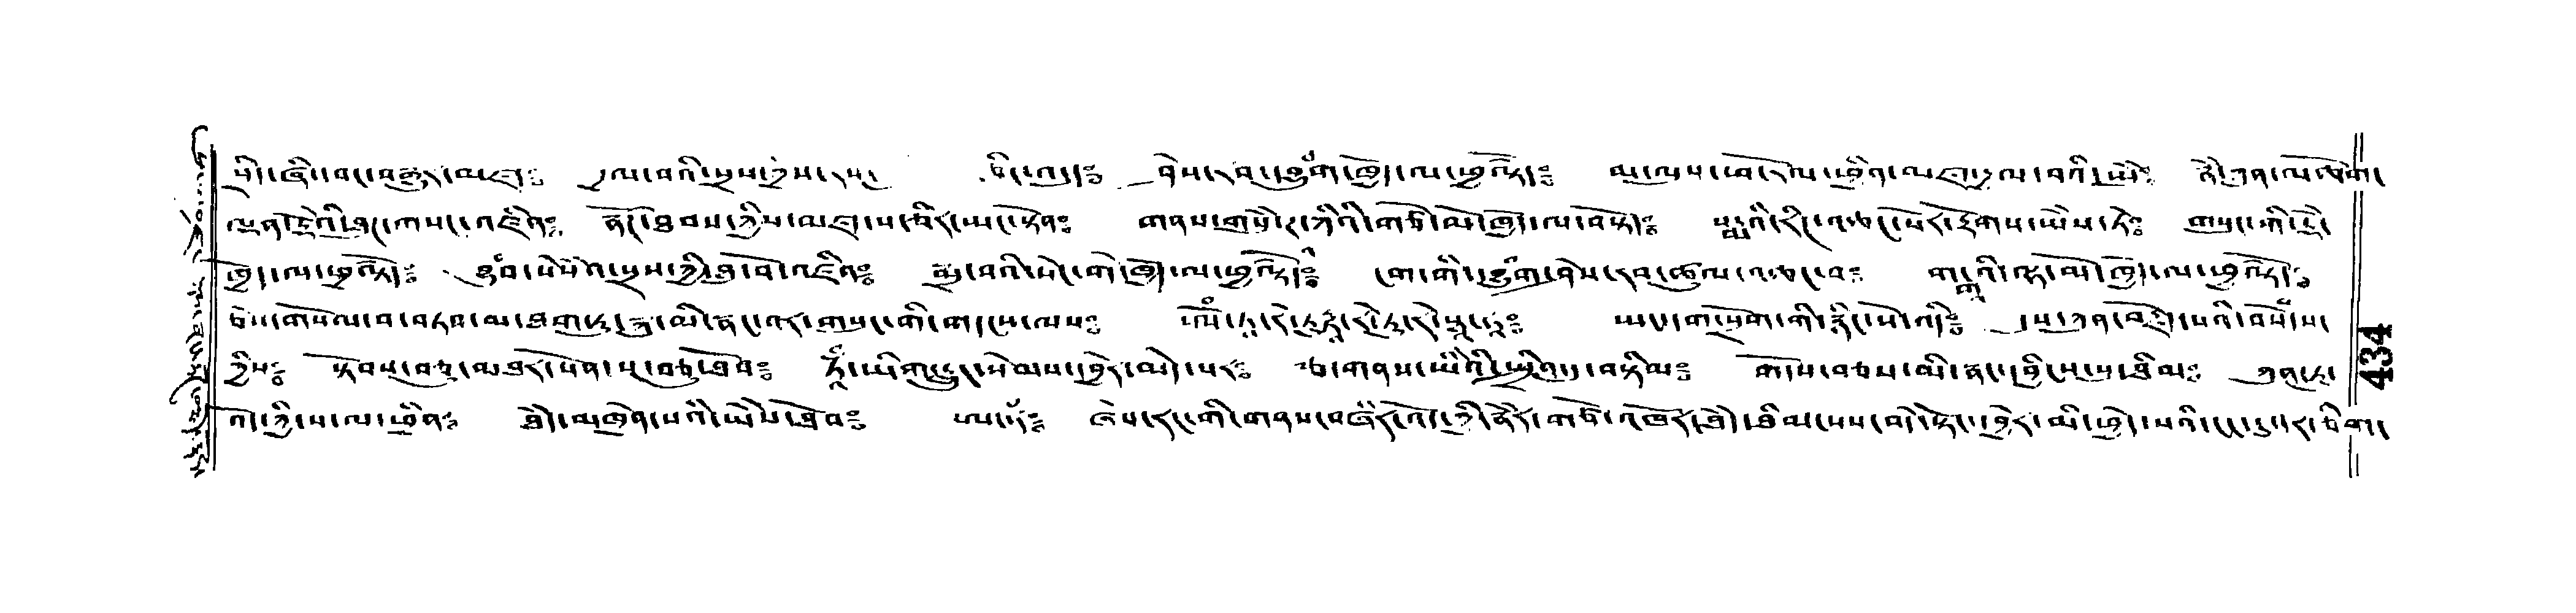སྲིད་ཞི་དབང་བསྒྱུར་མཛད༔ རྒྱལ་བའི་སྲས་ཀྱིས་རབ་ཏུ་བསྟོད་ཅིང་འདུད༔ ཤེས་རབ་དབང་ཕྱུག་ཁྱོད་ལ་ཕྱག་འཚལ་བསྟོད༔མ་ལུས་ཕ་རོལ་ཕྱིན་མཛད་རྒྱལ་བའི་ཡུམ༔ རྣམ་ཀུན་མཆོག་
ལྡན་རྡོ་རྗེའི་ཐུགས་གསང་འཛིན༔ སྣ་ཚོགས་ཐབས་ཀྱིས་མཛད་པ་ཅིར་ཡང་སྟོན༔ གནས་གསུམ་ཌཱ་ཀིའི་གཙོ་མོ་ཁྱོད་ལ་བསྟོད༔ པདྨའི་རིགས་འཆང་སོར་རྟོགས་ཡེ་ཤེས་ཏེ༔ གསུང་གི་རྡོ་རྗེ་
ཁྱོད་ལ་ཕྱག་འཚལ་བསྟོད༔ བྱང་ཆུབ་སེམས་དཔའ་སྲས་ཀྱི་ཐུ་བོ་འཛིན༔ སྨྲ་བའི་སེང་གེ་ཁྱོད་ལ་ཕྱག་འཚལ་བསྟོད༔ ངག་གི་དབང་ཕྱུག་ཤེས་རབ་ཚུལ་འཆང་བ༔ གངྒའི་ལྷ་མོ་ཁྱོད་ལ་ཕྱག་འཚལ་བསྟོད༔ 
ཅེས་གསོལ་བ་བཏབ་མ་ཐག་ཏུ་སྐུ་མི་སྣང་བར་གསུང་གི་གདངས་ལས༔ ཨོཾ་ཏཱ་རེ་ཏུཏྟཱ་རེ་ཏུ་རེ་སྭཱ་ཧཱ༔ ཡང་དག་སྲོག་གི་སྙིང་པོ་འདི༔ དུས་ཀུན་བརྗོད་པའི་བསོད་ནམས་
ཀྱིས༔ སྟོབས་བཅུ་མཐར་སོན་ས་བཅུ་ཐོབ༔ ཏཱྃ་ཡིག་རླུང་སེམས་དབྱེར་མེད་པར༔ རྩ་གནས་ཡི་གེའི་སྤྲིན་དུ་བསྟིམ༔ གདོས་བཅས་མི་སྣང་དབྱིངས་སུ་ཐིམ༔ ཀུན་ཏུ་
འོད་ཀྱི་ས་ལ་ཕྱིན༔ ཐམས་ཅད་མཁྱེན་པའི་ཡེ་ཤེས་ཐོབ༔ ཨ་ཧཾཿ ཞེས་རང་གི་གནས་བཞིར་འོད་ཀྱི་རྣམ་པར་གཙོ་འཁོར་ཐམས་ཅད་ཐིམ་པས་བདེ་སྟོང་དབྱེར་མི་ཕྱེད་པའི་ངང་དུ་དར་ཅིག་